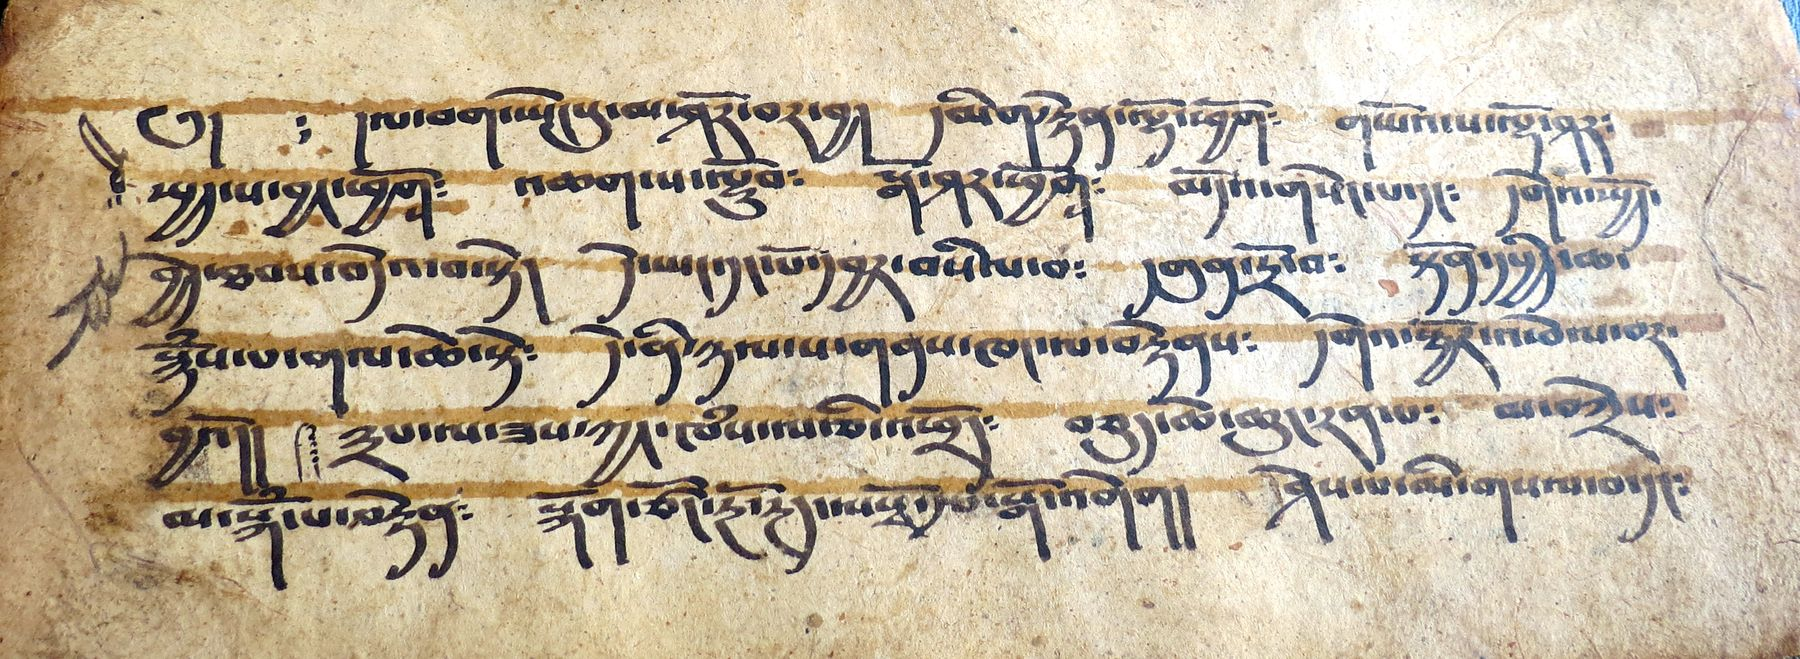ལ་བག་ཡངས་སུ་མ་ཤོར་བར་བྱ། དམིགས་རྟེན་ལྷོ་ཕྱོགས། གཡོ་བ་ལྷོ་ཤར། 
སྤྱད་པ་བྱང་ངོས། འཆག་པ་ལྷོ་ནུབ། སྒོ་ཤར་ཕྱོགས། མདོར་ན་གསེང་བ་དང་དགེ་སྤྱོད་
སྟབས་བདེ་བ་སྟེ། དེ་ཡང་དབྱར་བསིལ་བ། དགུན་དྲོ་བ། སྟོན་དཔྱིད་ཆ་
སྙོམས་པ་གལ་ཆེ་སྟེ། དེ་ནི་ཉལ་ས་གནས་ཁང་ལ་བརྟེན་ནས་དགེ་སྦྱོར་འཕེལ་བར་
བྱའོ། ། གསུམ་པ་ལ་ཟས་ཀྱང་། ཁམས་ལ་ཅི་འཕྲོད་བཅུད་ཆེ་ཆུང་རན་པ་མ་བཀྲེས་
མ་སྐོམ་པ་བསྟེན། སྒོག་ཙོང་སྔོ་རྔད་ལ་སོགས་པ་རྩ་སྒོ་འགག་ཅིང་ཤེས་པ་མི་གསལ་བ་དང་།